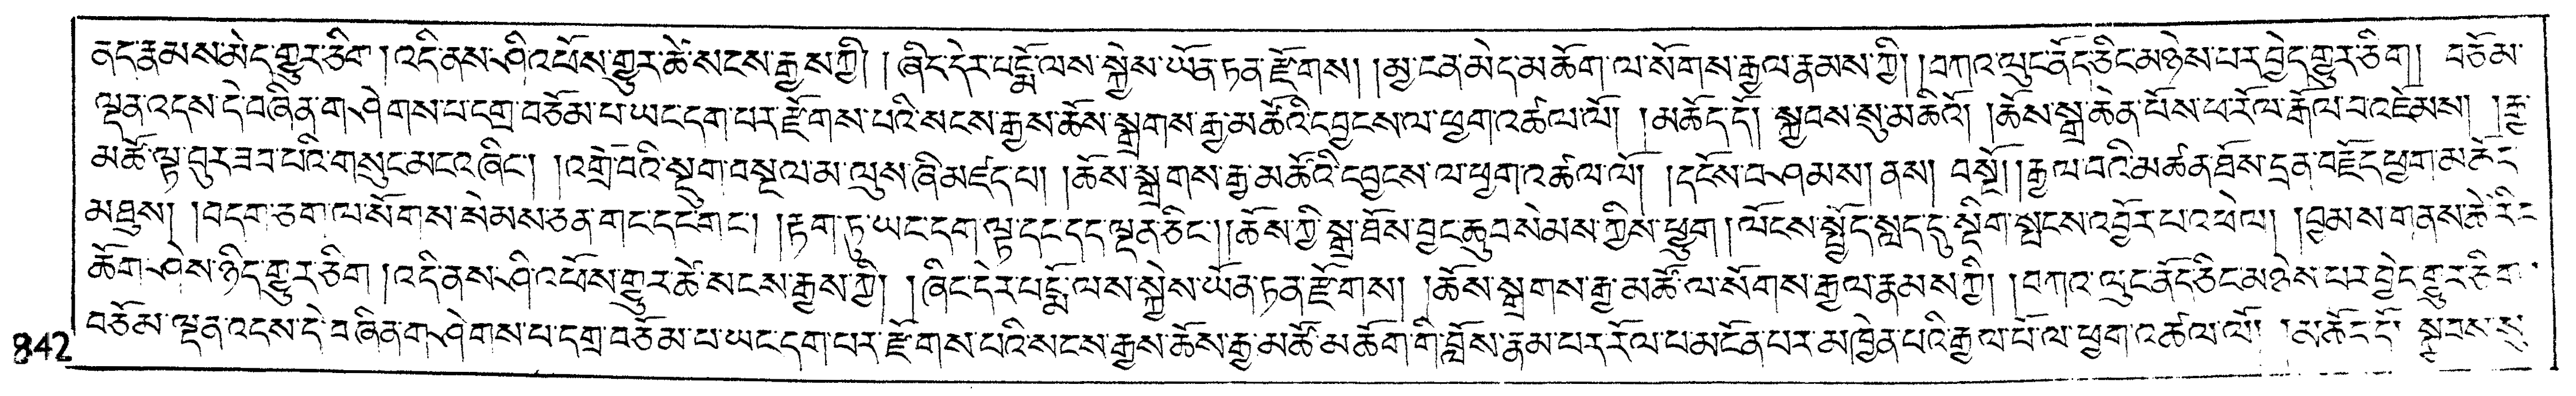ནད་རྣམས་མེད་གྱུར་ཅིག །འདི་ནས་ཤི་འཕོས་གྱུར་ཚེ་སངས་རྒྱས་ཀྱི། །ཞིང་དེར་པདམོ་ལས་སྐྱེས་ཡོན་ཏན་རྫོགས། །མྱ་ངན་མེད་མཆོག་ལ་སོགས་རྒྱལ་རྣམས་ཀྱི། །བཀའ་ལུང་ནོད་ཅིང་མཉེས་པར་བྱེད་གྱུར་ཅིག །བཅོམ་
ལྡན་འདས་དེ་བཞིན་གཤེགས་པ་དགྲ་བཅོམ་པ་ཡང་དག་པར་རྫོགས་པའི་སངས་རྒྱས་ཆོས་སྒྲགས་རྒྱ་མཚོའི་དབྱངས་ལ་ཕྱག་འཚལ་ལོ། །མཆོད་དོ། སྐྱབས་སུ་མཆིའོ། །ཆོས་སྒྲ་ཆེན་པོས་ཕ་རོལ་རྒོལ་བ་འཇོམས། །རྒྱ་
མཚོ་ལྟ་བུར་ཟབ་པའི་གསུང་མངའ་ཞིང་། །འགྲོ་བའི་སྡུག་བསྔལ་མ་ལུས་ཞི་མཛད་པ། །ཆོས་སྒྲགས་རྒྱ་མཚོའི་དབྱངས་ལ་ཕྱག་འཚལ་ལོ། །དངོས་བཤམས། ནས། བསྔོ། །རྒྱལ་བའི་མཚན་ཐོས་དྲན་བརྗོད་ཕྱག་མཆོད་
མཐུས། །བདག་ཅག་ལ་སོགས་སེམས་ཅན་གང་དང་གང་། །རྟག་ཏུ་ཡང་དག་ལྟ་དང་དད་ལྡན་ཅིང་། །ཆོས་ཀྱི་སྒྲ་ཐོས་བྱང་ཆུབ་སེམས་ཀྱིས་ཕྱུག །ལོངས་སྤྱོད་སླད་དུ་སྡིག་སྤངས་འབྱོར་པ་འཕེལ། །བྱམས་གནས་ཚེ་རིང་
ཆོག་ཤེས་ཉིད་གྱུར་ཅིག །འདི་ནས་ཤི་འཕོས་གྱུར་ཚེ་སངས་རྒྱས་ཀྱི། །ཞིང་དེར་པདམོ་ལས་སྐྱེས་ཡོན་ཏན་རྫོགས། །ཆོས་སྒྲགས་རྒྱ་མཚོ་ལ་སོགས་རྒྱལ་རྣམས་ཀྱི། །བཀའ་ལུང་ནོད་ཅིང་མཉེས་པར་བྱེད་གྱུར་ཅིག །
བཅོམ་ལྡན་འདས་དེ་བཞིན་གཤེགས་པ་དགྲ་བཅོམ་པ་ཡང་དག་པར་རྫོགས་པའི་སངས་རྒྱས་ཆོས་རྒྱ་མཚོ་མཆོག་གི་བློས་རྣམ་པར་རོལ་པ་མངོན་པར་མཁྱེན་པའི་རྒྱལ་པོ་ལ་ཕྱག་འཚལ་ལོ། །མཆོད་དོ། སྐྱབས་སུ་